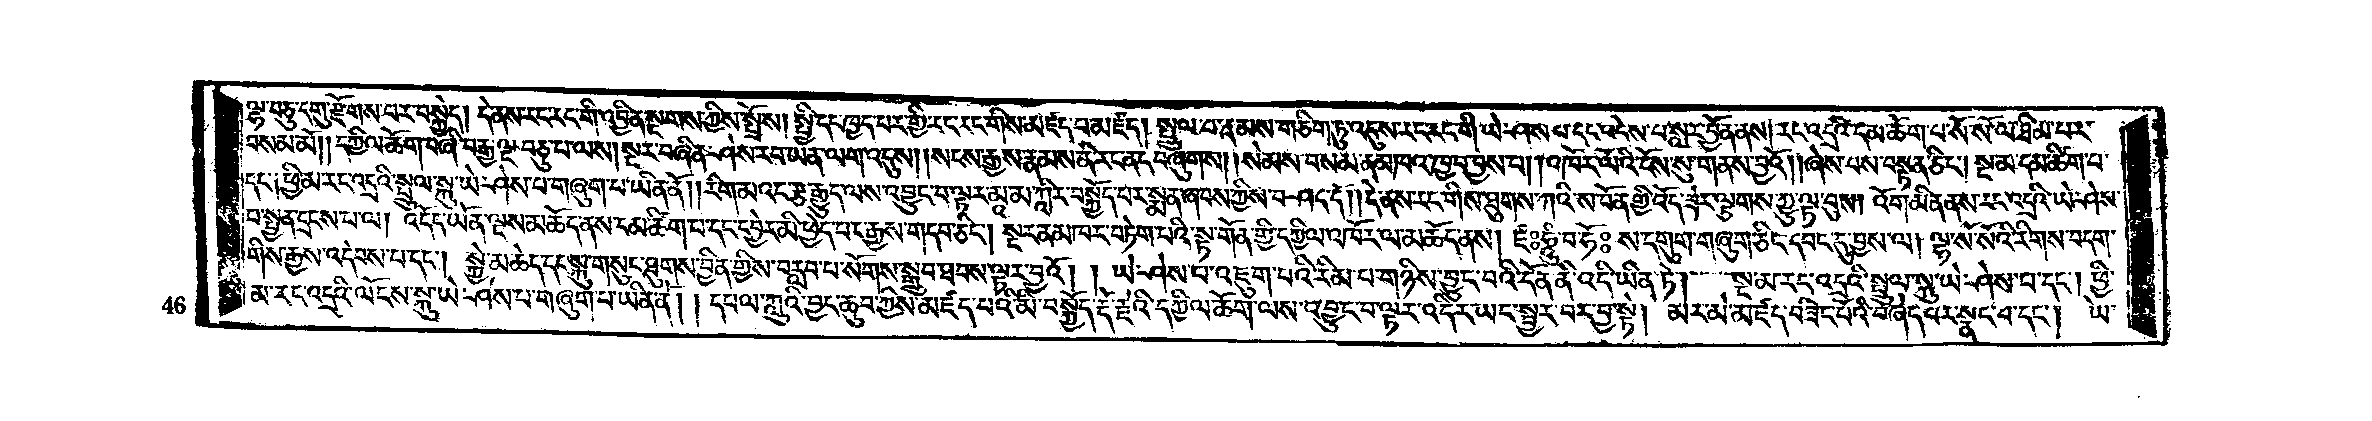ལྷ་བཅུ་དགུ་རྫོགས་པར་བསྐྱེད། དེ་ནས་རང་རང་གི་འབྱིན་སྔགས་ཀྱིས་སྤྲོས། སྤྱི་དང་ཁྱད་པར་གྱི་རང་རང་གིས་མཛད་པ་མཛད། སྤྲུལ་པ་རྣམས་གཅིག་ཏུ་འདུས་རང་རང་གི་ཡེ་ཤེས་པ་དང་འདེས་པ་སླར་བྱོན་ནས། རང་འདྲའི་དམ་ཚིག?་པ་སོ་སོ་ལ་ཐིམ་པར་
བསམ་མོ། །དཀྱིལ་ཆོག་བཞི་བརྒྱ་ལྔ་བཅུ་པ་ལས། སྔར་བཞིན་ཤེས་རབ་ཡན་ལག་འདུས། །སངས་རྒྱས་རྣམས་ནི་རང་ནང་བཞུགས། །སེམས་བསམ་ནམ་མཁའ་ཁྱབ་བྱས་པ། །འཁོར་ལོའི་ངོས་སུ་གནས་བྱའོ། །ཞེས་པས་བསྟན་ཅིང་། སྔ་མ་དམ་ཚིག་པ་
དང༑ ཕྱི་མ་རང་འདྲའི་སྤྲུལ་སྐུ་ཡེ་ཤེས་པ་གཞུག་པ་ཡིན་ནོ། །རིག་མའང་རྩ་རྒྱུད་ལས་འབྱུང་བ་ལྟར་མཱ་མ་ཀླིར་བསྐྱོད་པར་སྨན་ཞབས་ཀྱིས་བཤད་དོ། །དེ་ནས་རང་གིས་ཐུགས་ཀའི་ས་བོན་གྱི་འོད་ཟེར་ལྕགས་ཀྱུ་ལྟ་བུས། འོག་མིན་ནས་རང་འདྲའི་ཡེ་ཤེས་
པ་སྤྱན་དྲངས་པ་ལ། འདོད་ཡོན་ལྔས་མཆོད་ནས་དམ་ཚིག་པ་དང་དབྱེར་མི་ཕྱེད་པར་རྒྱས་གདབ་ཅིང་། སྔར་ནམ་མཁར་བཏེག་པའི་སྟ་གོན་གྱི་དཀྱིལ་འཁོར་ལ་མཆོད་ནས། ཛཿ ཧཱུཾ་བ་ཧོཿ ས་དགུག་གཞུག་ཅིང་དབང་དུ་བྱས་ལ། ལྷ་སོ་སོའི་རིགས་བདག་
གིས་རྒྱས་འདེབས་པ་དང་། སྐྱེ་མཆེད་དང་སྐུ་གསུང་ཐུགས་བྱིན་གྱིས་བརླབ་པ་སོགས་སྒྲུབ་ཐབས་ལྟར་བྱའོ། །ཡེ་ཤེས་པ་འཇུག་པའི་རིམ་པ་གཉིས་བྱུང་བའི་དོན་ནི་འདི་ཡིན་ཏེ། སྔ་མ་རང་འདྲའི་སྤྲུལ་སྐུ་ཡེ་ཤེས་པ་དང་། ཕྱི་
མ་རང་འདྲའི་ལོངས་སྐུ་ཡེ་ཤེས་པ་གཞུག་པ་ཡིན་ནོ། །དཔལ་ཀླུའི་བྱང་ཆུབ་ཀྱིས་མཛད་པའི་མི་བསྐྱོད་རྡོ་རྗེའི་དཀྱིལ་ཆོག་ལས་འབྱུང་བ་ལྟར་འདིར་ཡང་སྦྱར་བར་བྱ་སྟེ། མར་མེ་མཛད་བཟིང་པོའི་བཞེད་པར་སྣང་བ་དང་། ཡེ་